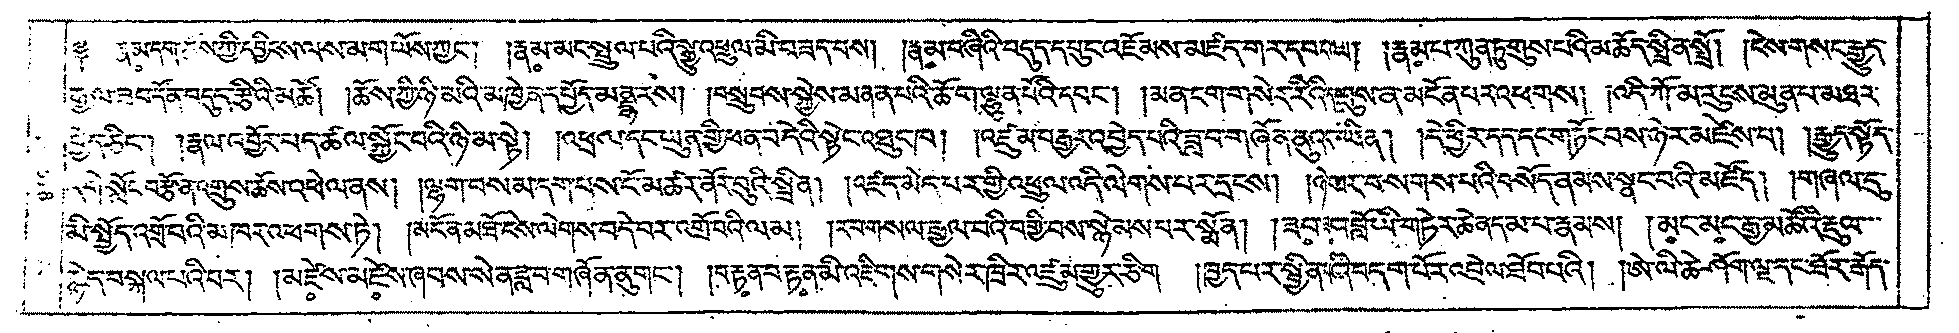༈ རྣམ྾་དག་ཆོས་ཀྱི་དབྱིངས་ལས་མ་གཡོས་ཀྱང་། །རྣམ྾་མང་སྤྲུལ་པའི་སྒྱུ་འཕྲུལ་མི་བཟད་པས། །རྣམ྾་བཞིའི་བདུད་དཔུང་འཇོམས་མཛད་གར་དབང་ལ། །རྣམ྾་པ་ཀུན་ཏུ་གུས་པའི་མཆོད་སྤྲིན་སྤྲོ། །ངེས་གསང་རྒྱུད་
རྒྱལ་ཟབ་དོན་བདུད་རྩིའི་མཚོ། །ཆོས་ཀྱི་ཉི་མའི་མཁྱེན་དཔྱོད་མནྡྷ་རས། །བསྲུབས་སྐྱེས་མནན་པའི་ཆོ་ག་ལྷུན་པོའི་དབང་། །མན་ངག་གསེར་རིའི་དབུས་ན་མངོན་པར་འཕགས། །འདི་ཀོ་མ་རུངས་མུན་པ་མཐར་
བྱེད་ཅིང་། །རྣལ་འབྱོར་པད་ཚལ་སྐྱོང་བའི་ཉི་མ་སྟེ། །འཕྲལ་དང་ཡུན་གྱི་ཕན་བདེའི་སྟེང་འཐུང་ཁ། །འཛུམ་བརྒྱར་འབྱེད་པའི་ཟླ་བ་གཞོན་ནུའང་ཡིན། །དེ་ཕྱིར་དད་དང་གཏོང་བས་ཉེར་མཛེས་པ། །རྒྱུད་སྟོད་
དགེ་སློང་བརྩོན་འགྲུས་ཆོས་འཕེལ་ནས། །ལྷག་བསམ་དག་པས་ངོ་མཚར་ནོར་བུའི་སྤྲིན། །འཛད་མེད་པར་གྱི་འཕྲུལ་འདི་ལེགས་པར་དྲངས། །ཉེ་བར་བསགས་པའི་བསོད་ནམས་སྣང་བའི་མཛོད། །གཞལ་དུ་
མི་སྤྱོད་འགྲོ་བའི་མཁར་འཕགས་ཏེ། །མངོན་མཐོ་ངེས་ལེགས་བདེ་བར་འགྲོ་བའི་ལམ། །རབ་གསལ་རྒྱལ་བའི་བགྱི་བས་སྙེམས་པར་སྨོན། །ཟབ྾་ཟབ྾་བློ་ཡི་གཏེར་ཆེན་དམ་པ་རྣམས། །མང྾་མང྾་རྒྱ་མཚོའི་རྡུལ་
རྙེད་བསྐལ་པའི་བར། །མཛེས྾་མཛེས྾་ཞབས་སེན་ཟླ་བ་གཞོན་ནུ་གང་། །བརྟན྾་བརྟན྾་མི་འཇིགས་གསེར་ཁྲིར་འཛུམ་གྱུར་ཅིག །ཁྱད་པར་སྦྱིན་པའི་བདག་པོར་འབྲེལ་ཐོབ་པའི། །ཨེ་ལི་ཆེ་ཤོག་ལྔ་དང་ཐོར་རྒོད་